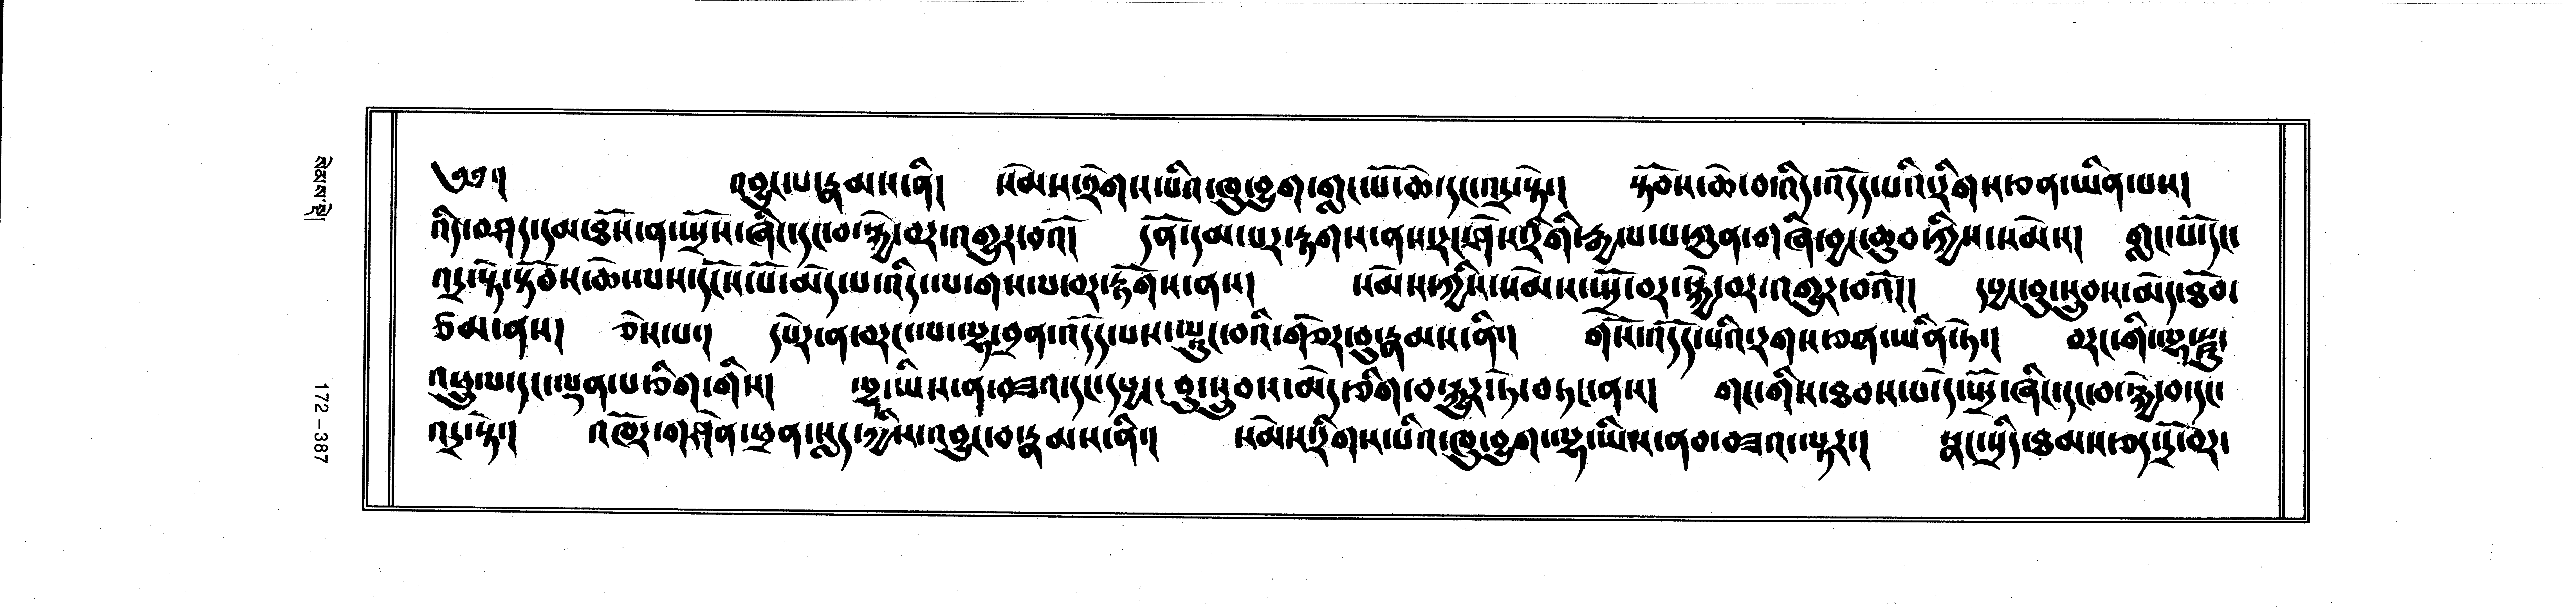འབྱུང་པ་རྣམས་ནི། སེམས་རིགས་པའི་ཁུ་བྱུག་གླང་པོ་ཆེ་དང་འདྲ་སྟེ། སྟོབས་ཆེ་བ་འདི་འདོད་པའི་རིགས་ཅན་ཡིན་པས། 
འདི་བཤད་དམ་ཐོས་ན་སྤྲོས་ཞིང་དྭངས་བ་སྐྱེ་བར་འགྱུར་བའོ། དོན་དམ་པར་རྟགས་ནས་རམ་ཤེས་རིག་གི་རྒྱལ་པོ་ཀུན་གཞི་བྱང་ཆུབ་ཀྱིས་སེམས། གླང་པོ་དང་
འདྲ་སྟེ་སྟོབས་ཆེ་ལས་དངོས་པོ་མེད་པ་འདི་ལ་གསལ་བར་རྟོགས་ནས། སེམས་ཀྱིས་སེམས་སྤྲོ་བར་སྐྱེ་བར་འགྱུར་བའོ། དཔྱང་བུ་སྲུབས་མེད་ཐོབ་
ཙམ་ནས། ཅེས་པ། དཔེར་ན་བར་སྣང་ལ་ལྷ་བྲན་འདོད་པས་ལྟུང་བའི་གཅེར་བུ་རྣམས་ནི། གོས་འདོད་པའི་རིགས་ཅན་ཡིན་ཏེ། བར་སྣང་གི་ལྷ་རྫུ་
འཕྲུལ་དང་ལྡན་པ་ཅིག་གིས། ལྷ་ཡིས་ན་བཟའ་དང་དཔྱང་བུ་སྲུབས་མེད་ཅིག་བསྐྱུར་ཏེ་བཏང་ནས། གང་གིས་ཐབས་པ་དེ་སྤྲོ་ཞིང་དྭངས་བ་སྐྱེ་བ་དང་
འདྲ་སྟེ། འཁོར་གཤེན་ཕྲན་སླད་ཀྱིས་འབྱུང་བ་རྣམས་ནི། སེམས་རིག་པའི་ཁུ་བྱུག་ལྷ་ཡིས་ན་བཟའ་ལྟར། སྣང་སྲིད་ཐངས་ཅད་དྲོ་བར་